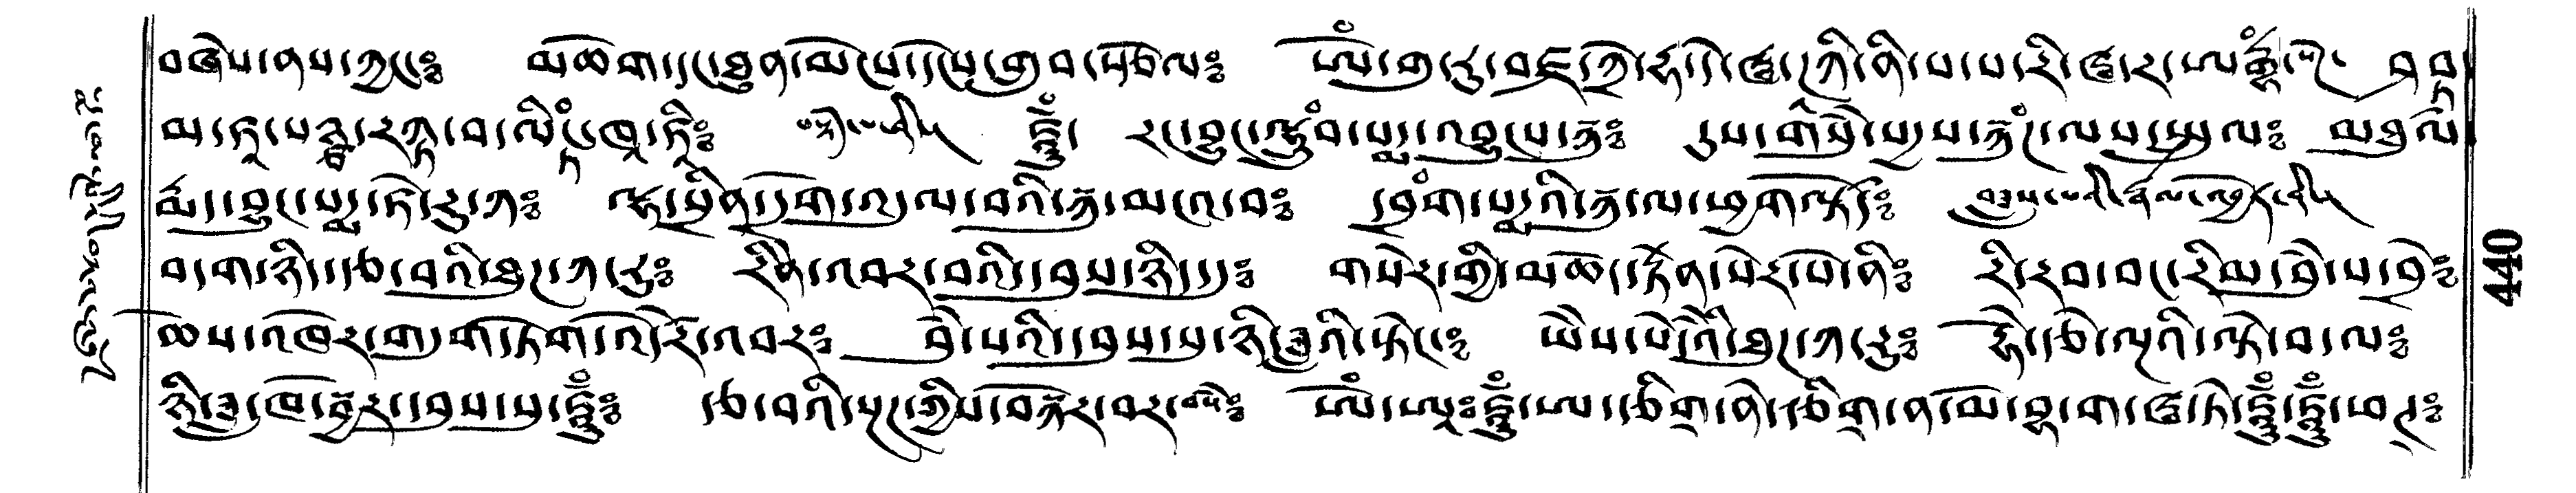བཞེས་ནས་ཀྱང༔ མཆོག་དང་ཐུན་མོང་དངོས་གྲུབ་སྩོལ༔ ཨོཾ་གུ་རུ་བཛྲ་ཀྲོ་དྷ་དེ་ཝ་ཌཱ་ཀི་ནི་ས་པཱ་རི་ཝ་ར་ཨརྒྷཾ་སོགས། ཤབྟ་
མ་ཧཱ་པཉྩ་རཀྟ་བ་ལིངྟཾ་ཁཱ་ཧི༔ བསྟོད་པ་ནི། ཧཱུྃ༔ རང་བྱུང་ལྷུན་གྲུབ་པདྨ་འབྱུང་གནས་སྐུ༔ དུས་གསུམ་སངས་རྒྱས་སྐུ་གསུང་ལས་སྤྲུལ༔ མཐུ་རྩལ་
རྨད་བྱུང་པདྨ་ཧེ་རུ་ཀ༔ ལྷ་སྲིན་དྲེགས་པ་འདུལ་བའི་སྐུ་མངའ་བ༔ དབང་དྲག་པདྨའི་སྐུ་ལ་ཕྱག་འཚལ་བསྟོད༔ བཟླས་པའི་རྣལ་འབྱོར་ནི། 
བདག་ཉིད་རྩ་བའི་ཐུགས་ཀ་རུ༔ རིན་ཆེན་འབར་བའི་དབུས་ཉིད་དུ༔ གསེར་གྱི་མཆོད་རྟེན་སེར་པོ་ནི༔ རི་རབ་བང་རིམ་བུམ་པ་བྲེ༔ 
ཆོས་འཁོར་གདུགས་ཏོག་འོད་ཟེར་འབར༔ བུམ་པའི་དབུས་སུ་ཉི་ཟླའི་སྟེང༔ ཡེ་ཤེས་སེམས་དཔའི་ཐུགས་ཀ་རུ༔ རྡོ་རྗེ་རྩེ་ལྔའི་ལྟེ་བ་ལ༔ 
ཉི་ཟླ་ཁ་སྦྱོར་དབུས་སུ་ཧཱུྃ༔ རྩ་བའི་སྔགས་ཀྱིས་བསྐོར་བར་བསམ༔ ཨོཾ་ཨཱཿཧཱུྃ་ཨ་རྩིག་ནེ་རྩིག་ན་མོ་བྷ་ག་ཝ་ཏེ་ཧཱུྃ་ཧཱུྃ་ཕཊ༔